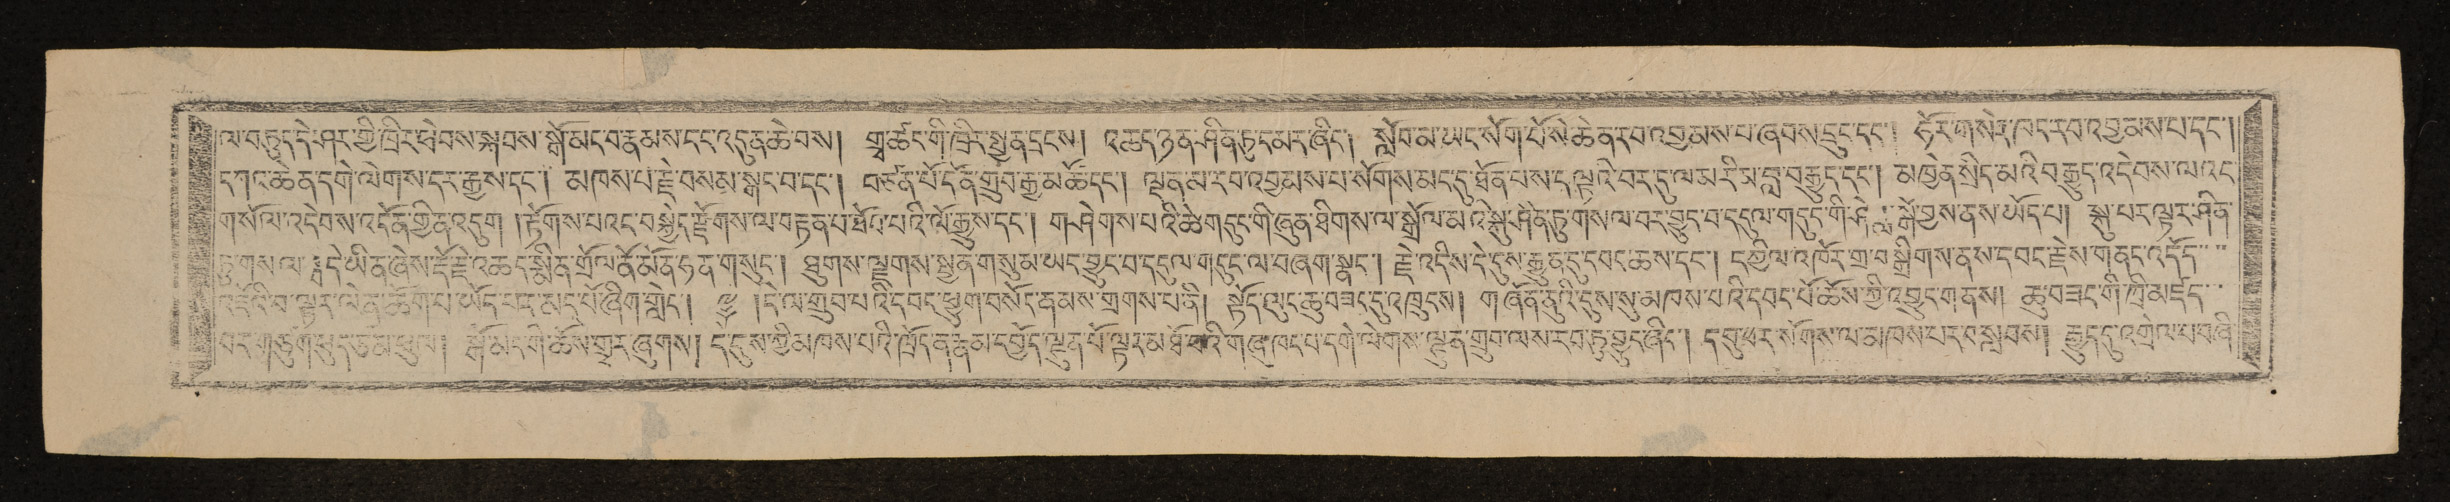ལ་བཏུད་དེ་ཤར་གྱི་ཁྲིར་ཕེབས་སྐབས་སྒོ་མང་བ་རྣམས་དད་འདུན་ཆེ་བས། གྲྭ་ཚང་གི་ཁྲིར་སྤྱན་དྲངས། འཆད་ཉན་ཤིན་ཏུ་དམར་ཞིང་། སློབ་མ་ཡང་སོག་པོ་སེ་ཆེན་རབ་འབྱམས་པ་ཞབས་དྲུང་དས། ཧོར་གསེད་ཁང་རབ་འབྱམས་པ་དང་།
དཀའ་ཆེན་དགེ་ལེགས་དར་རྒྱས་དང་། མཁས་པ་རྗེ་བསམ་སྒང་བ་དང་། བཙན་པོ་དོན་གྲུབ་རྒྱ་མཚོ་དང་། ལྡན་མ་རབ་འབྱམས་པ་སོགས་མང་དུ་ཐོན་པས་ད་ལྟའི་བར་དུ་ལམ་རིམ་བླ་བརྒྱུད་དང་། མཁྱེན་སྲིད་མའི་བརྒྱུད་འདེབས་ལའང་
གསོལ་འདེབས་འདོན་གྱིན་འདུག །རྟོགས་པའང་བསྐྱེད་རྫོགས་ལ་བརྟན་པ་ཐོབ་པའི་ལོ་རྒྱུས་དང་། གཤེགས་པའི་ཚེ་གདུང་གི་ཞུན་ཐིགས་ལ་སྒྲོལ་མའི་སྐུ་ཤིན་ཏུ་གསལ་བར་བྱུང་བ་དངུལ་གདུང་གི་ཤེལ་སྒོ་བྱས་ནས་ཡོད་པ། སྐུ་པར་ལྟར་ཤིན་
ཏུ་གསལ་བ་དེ་ཡིན་ཞེས་རྡོ་རྗེ་འཆང་སྨིན་གྲོལ་ནོ་མོན་ཧན་གསུང་། ཐུགས་ལྗགས་སྤྱན་གསུམ་ཡང་བྱུང་བ་དངུལ་གདུང་ལ་བཞག་སྣང་། རྗེ་འདིས་དེ་དུས་རྒྱུན་དུ་དབང་ཆས་དང་། དཀྱིལ་འཁོར་གྲ་བསྒྲིགས་ནས་དབང་རྗེས་གནང་འདོད་
འཇོའི་བ་ལྟར་ལེན་ཆོག་པ་ཡོད་པར་མང་པོ་ཞིག་གླེང་། ༈ །དེ་ལ་གྲུབ་པའི་དབང་ཕྱུག་བསོད་ནམས་གྲགས་པ་ནི། སྟོད་ལུང་ཆུ་བཟང་དུ་འཁྲུངས། གཞོན་ནུའི་དུས་སུ་མཁས་པའི་དབང་པོ་ཆོས་ཀྱི་འབྱུང་གནས། ཆུ་བཟང་གི་ཁྲི་མཛད་
པར་གཙུག་ཕུད་ཙམ་ཕུལ། སྒོ་མང་གི་ཆོས་གྲྭར་ཞུགས། དེ་དུས་ཀྱི་མཁས་པའི་ཁྲོད་ན་རྣམ་དཔྱོད་ལྷུན་པོ་ལྟར་མཐོ་བའི་གཞུ་ཁང་བ་དགེ་ལེགས་ལྷུན་གྲུབ་ལས་རབ་ཏུ་བྱུང་ཞིང་། དབུ་ཕར་སོགས་ལ་མཁས་པར་བསླབས། རྒྱུད་དུ་འགྲེལ་བ་བཞི་